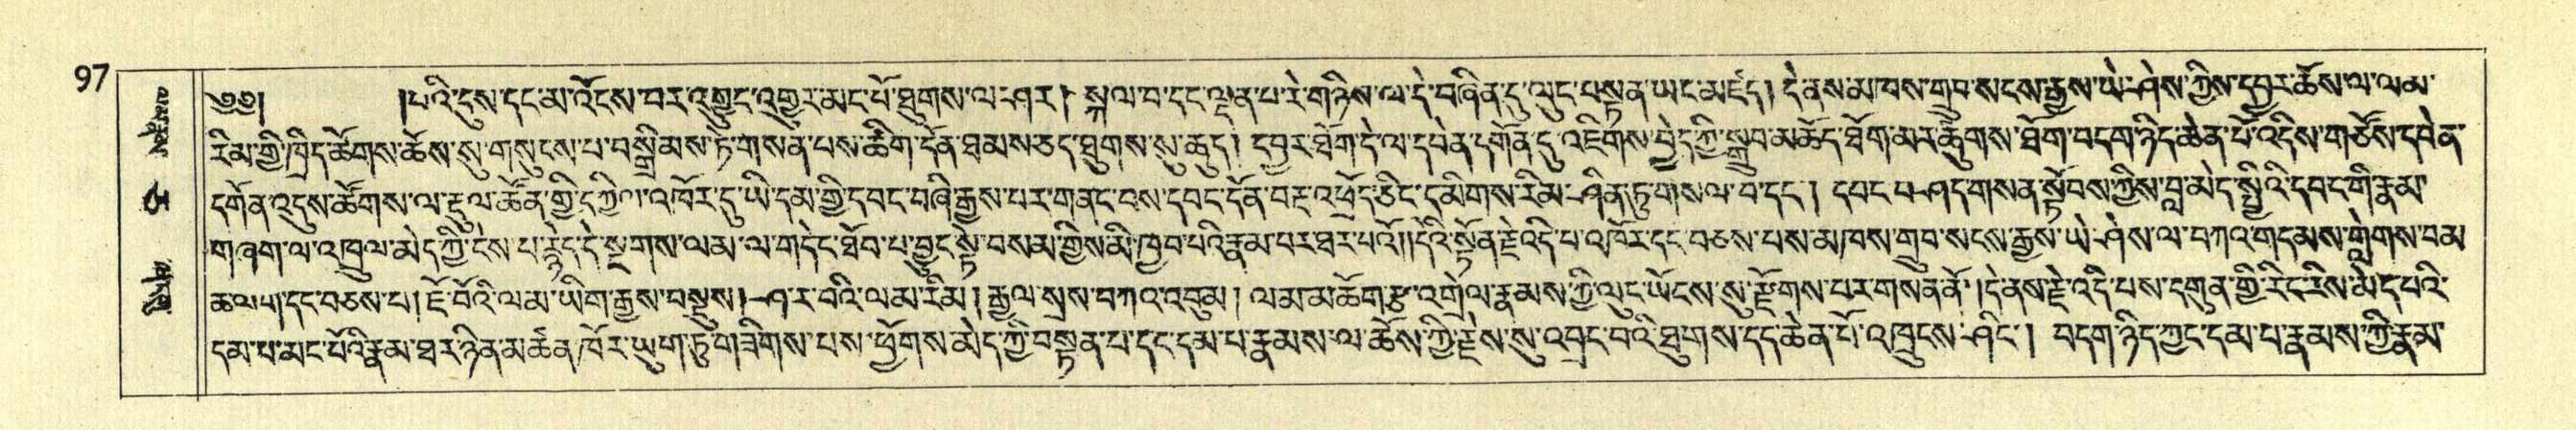༄༅། །པའི་དུས་དང་མ་འོངས་པར་འགྱུང་འགྱུར་མང་པོ་ཐུགས་ལ་ཤར། སྐལ་བ་དང་ལྡན་པ་རེ་གཉིས་ལ་དེ་བཞིན་དུ་ལུང་བསྟན་ཡང་མཛད། དེ་ནས་མཁས་གྲུབ་སངས་རྒྱས་ཡེ་ཤེས་ཀྱིས་དབྱར་ཆོས་ལ་ལམ་
རིམ་གྱི་ཁྲིད་ཚོགས་ཆོས་སུ་གསུངས་པ་བསྒྲིམས་ཏེ་གསན་པས་ཚིག་དོན་ཐམས་ཅད་ཐུགས་སུ་ཆུད། དབྱར་ཐོག་དེ་ལ་དབེན་དགོན་དུ་འཇིགས་བྱེད་ཀྱི་སྒྲུབ་མཆོད་ཐོག་མར་ཚུགས་ཐོག་བདག་ཉིད་ཆེན་པོ་འདིས་གཙོས་དབེན་
དགོན་འདུས་ཚོགས་ལ་རྡུལ་ཚོན་གྱི་དཀྱིལ་འཁོར་དུ་ཡི་དམ་གྱི་དབང་བཞི་རྒྱས་པར་གནང་བས་དབང་དོན་བརྡ་འཕྲོད་ཅིང་དམིགས་རིམ་ཤིན་ཏུ་གསལ་བ་དང་། དབང་བཤད་གསན་སྟོབས་ཀྱིས་བླ་མེད་སྤྱིའི་དབང་གི་རྣམ་
གཞག་ལ་འཁྲུལ་མེད་ཀྱི་ངེས་པ་རྙེད་དེ་སྔགས་ལམ་ལ་གདེང་ཐོབ་པ་བྱུང་སྟེ་བསམ་གྱིས་མི་ཁྱབ་པའི་རྣམ་པར་ཐར་པའོ། །དེའི་སྟོན་རྗེ་འདི་པ་འཁོར་དང་བཅས་པས་མཁས་གྲུབ་སངས་རྒྱས་ཡེ་ཤེས་ལ་བཀའ་གདམས་གླེགས་བམ་
ཆ་ལག་དང་བཅས་པ། ཇོ་བོའི་ལམ་ཡིག་རྒྱས་བསྡུས། ཤར་བའི་ལམ་རིམ། རྒྱལ་སྲས་བཀའ་འབུམ། ལམ་མཆོག་རྩ་འགྲེལ་རྣམས་ཀྱི་ལུང་ཡོངས་སུ་རྫོགས་པར་གསན་ནོ། །དེ་ནས་རྗེ་འདི་པས་དགུན་གྱི་རིང་རིས་མེད་པའི་
དམ་པ་མང་པོའི་རྣམ་ཐར་ཉིན་མཚན་ཁོར་ཡུག་ཏུ་གཟིགས་པས་ཕྱོགས་མེད་ཀྱི་བསྟན་པ་དང་དམ་པ་རྣམས་ལ་ཆོས་ཀྱི་རྗེས་སུ་འབྲང་བའི་ཐུགས་དད་ཆེན་པོ་འཁྲུངས་ཤིང་། བདག་ཉིད་ཀྱང་དམ་པ་རྣམས་ཀྱི་རྣམ་